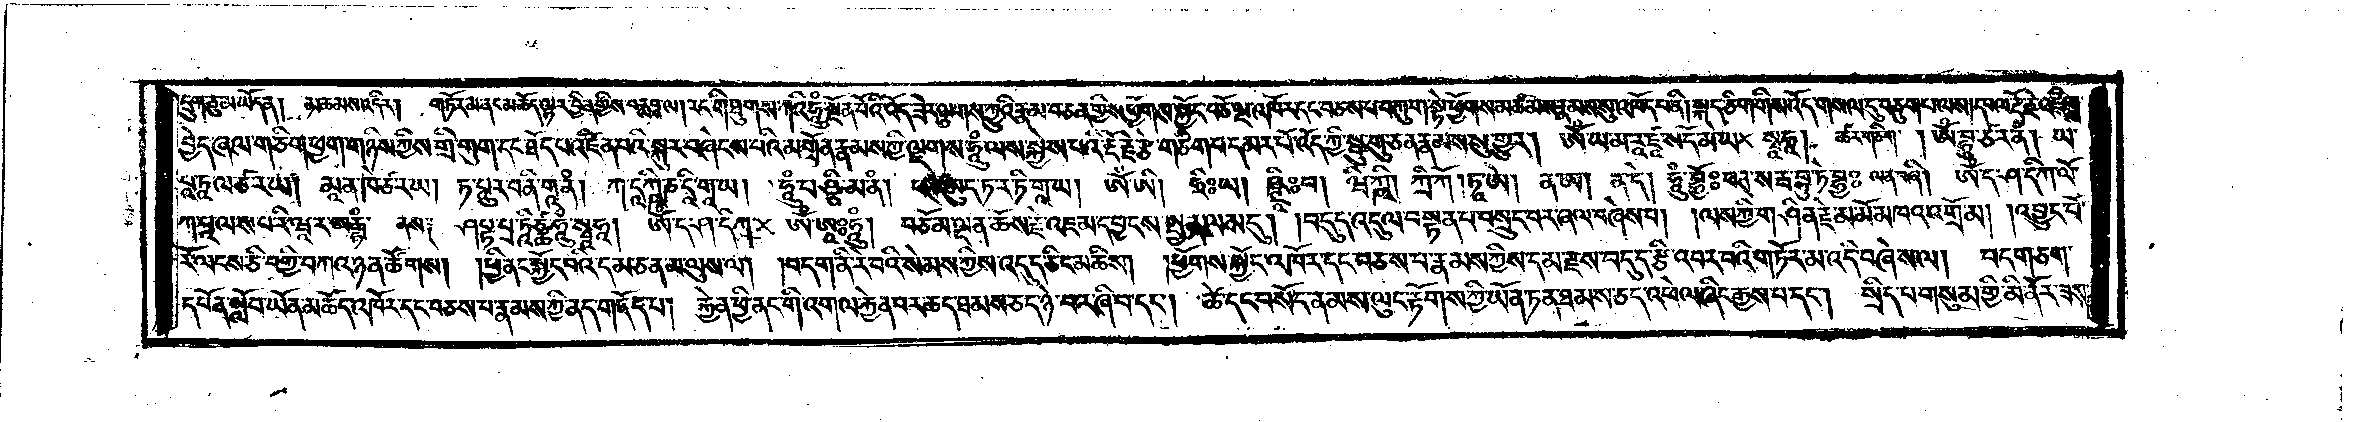དྲུག་ཅུ་མ་ཡོད་ན། མཚམས་འདིར། གཏོར་མ་ནང་མཆོད་ལྟར་བྱིན་གྱིས་བརླབས་ལ་རང་གི་ཐུགས་ཀའི་ཧཱུཾ་སྔོན་པོའི་འོད་ཟེར་ལྕགས་ཀྱུའི་རྣམ་པ་ཅན་གྱིས་ཕྱོགས་སྐྱོང་བཅོ་ལྔ་འཁོར་དང་བཅས་པ་བཀུག་སྟེ་ཕྱོགས་མཚམས་རྣམས་སུ་འཁོད་པ་ནི། སྐད་ཅིག་གིས་འོད་གསལ་དུ་བཅུག་པ་ལས། དཔལ་རྡོ་རྗེ་འཇིགས་
བྱེད་ཞལ་གཅིག་ཕྱག་གཉིས་ཀྱིས་གྲི་གུག་དང་ཐོད་པ་འཛིན་པའི་སྒུར་བཞེངས་པའི་མགྲོན་རྣམས་ཀྱི་ལྗགས་ཧཱུཾ་ལས་སྐྱེས་པའི་རྡོ་རྗེ་རྩེ་གཅིག་པ་དམར་པོ་འོད་ཀྱི་སྦུ་གུ་ཅན་རྣམས་སུ་གྱུར། ཨོཾ་ཡ་མ་རཱ་ཇཱ་ས་དོ་མེ་ཡ་྾་སྭཱཧཱ། ཚར་གཅིག་།ཨོཾ་བྷཱུ་ཙ་ར་ནཾ། ཡ་
པཱ་ཏཱ་ལ་ཙ་ར་ཡ། མཱ་ན་ཁེ་ཙར་ཡ། ཏ་བཱུར་བ་ནི་གཱ་ནཾ། ཀ་དཱཀྵི་ཎ་དཱི་གཱ་ཡ། ཧཱུཾ་པ་ཤྩི་མ་ནཾ། ཕཊ་ཨུད་ཏ་ར་ཏི་གཱ་ཡ། ཨོཾ་ཨི། ཧྲིཿཡ། ཥྚྲཱིཿབ། ཝི་ཀྵི། ཀྲིཀོ །ཏཱ་ཨེ། ན་ཨ། ན་དེ། ཧཱུཾ་བྷྱོཿཕཊ་སརྦ་བྷུ་ཏེ་བྷྱཿལན་བཞི།  ཨོཾ་ད་ཤ་དིཀ་ལོ་
ཀ་པཱ་ལས་པ་རི་ཝཱ་ར་ཨརྷཾ། ནས༑  ཤཔྟ་པྲ་ཏཱིཙྪ་ཧཱུཾ་སྭཱཧཱ། ཨོཾ་ད་ཤ་དི་ཀ་྾་ཨོཾ་ཨཱཿཧཱུཾ། བཅོམ་ལྡན་ཆོས་རྗེ་འཇམ་དབྱངས་སྤྱན་ལམ་དུ། །བདུད་འདུལ་བསྟན་པ་བསྲུང་བར་ཞལ་བཞེས་པ། །ལས་ཀྱི་གཤིན་རྗེ་མ་མོ་མཁའ་འགྲོ་མ། །འབྱུང་པོ་
རོ་ལངས་ཅི་བགྱི་བཀའ་ཉན་ཚོགས། །ཕྱི་ནང་སྐོང་བའི་དམ་ཅན་མ་ལུས་ལ། །བདག་ནི་རེ་བའི་སེམས་ཀྱིས་འདུད་ཅིང་མཆིས། །ཕྱོགས་སྐྱོང་འཁོར་དང་བཅས་པ་རྣམས་ཀྱིས་དམ་རྫས་བདུད་རྩི་འབར་བའི་གཏོར་མ་འདི་བཞེས་ལ། བདག་ཅག་
དཔོན་སློབ་ཡོན་མཆོད་འཁོར་དང་བཅས་པ་རྣམས་ཀྱི་ནད་གནོད་པ། རྐྱེན་ཕྱི་ནང་གི་འགལ་རྐྱེན་པར་ཆད་ཐམས་ཅད་ཉེ་བར་ཞི་བ་དང་། ཚེ་དང་བསོད་ནམས་ལུང་རྟོགས་ཀྱི་ཡོན་ཏན་ཐམས་ཅད་འཕེལ་ཞིང་རྒྱས་པ་དང་། སྲིད་པ་གསུམ་གྱི་མི་ནོར་ཟས་